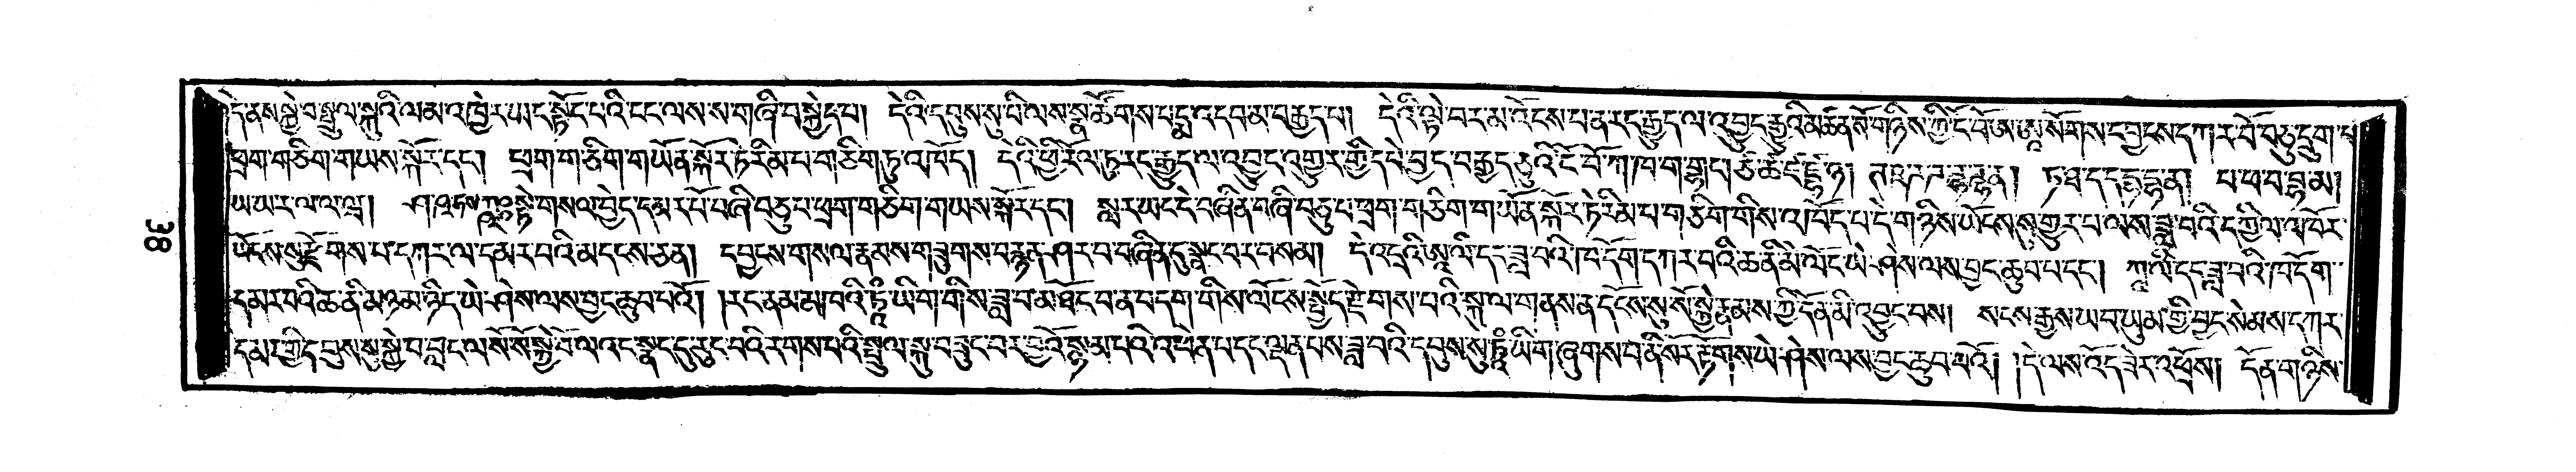དེ་ནས་སྐྱེ་བ་སྤྲུལ་སྐུའི་ལམ་འཁྱེར་ཡང་སྟོང་པའི་ངང་ལས་ས་གཞི་བསྐྱེད་པ། དེའི་དབུས་སུ་པཾ་ལས་སྣ་ཚོགས་པདམ་འདབ་མ་བརྒྱད་པ། དེའི་ལྟེ་བར་མ་འོངས་པ་ན་རང་རྒྱུད་ལ་འབྱུང་རྒྱུའི་མཚན་སོ་གཉིས་ཀྱི་ངོ་བོ་ཨ་ཨཱ་སོགས་དབྱངས་དཀར་པོ་བཅུ་དྲུག་པ་
ཕྲག་གཅིག་གཡས་སྐོར་དང་། ཕྲག་གཅིག་གཡོན་སྐོར་ཏེ་རིམ་པ་གཅིག་ཏུ་འཁོད། དེའི་ཕྱི་རོལ་ཏུ་རང་རྒྱུད་ལ་འབྱུང་འགྱུར་གྱི་དཔེ་བྱད་བརྒྱད་ཅུའི་ངོ་བོ་ཀ་ཁ་ག་གྷ་ང་། ཙ་ཚ་ཛ་ཛྷ་ཉ། ཊ་ཊཿཨ་ཌ་ཌ་ཌྷ་ཌྷ་ཎ། ཏ་ཐ་ད་ད་དྷ་དྷ་ན། པ་ཕ་བ་བྷ་མ།
ཡ་ཡ་ར་ལ་ལ་ཝ། ཤ་ཥ་ས་ཧ་ཀྵཿསྟེ་གསལ་བྱེད་དམར་པོ་བཞི་བཅུ་པ་ཕྲག་གཅིག་གཡས་སྐོར་དང་། སླར་ཡང་དེ་བཞིན་བཞི་བཅུ་པ་ཕྲག་གཅིག་གཡོན་སྐོར་ཏེ་རིམ་པ་གཅིག་གིས་འཁོད་པ་དེ་གཉིས་ཡོངས་སུ་གྱུར་པ་ལས་ཟླ་བའི་དཀྱིལ་འཁོར་
ཡོངས་སུ་རྫོགས་པ་དཀར་ལ་དམར་བའི་མདངས་ཅན། དབྱངས་གསལ་རྣམས་གཟུགས་བརྙན་ཤར་བ་བཞིན་དུ་སྣང་བར་བསམ། དེ་འདྲའི་ཨཱ་ལི་དང་ཟླ་བའི་ཁ་དོག་དཀར་བའི་ཆ་ནི་མེ་ལོང་ཡེ་ཤེས་ལས་བྱང་ཆུབ་པ་དང་། ཀཱ་ལི་དང་ཟླ་བའི་ཁ་དོག་
དམར་བའི་ཆ་ནི་མཉམ་ཉིད་ཡེ་ཤེས་ལས་བྱང་ཆུབ་པའོ། །རང་ནམ་མཁའི་ཏཱཾ་ཡིག་གིས་ཟླ་བ་མཐོང་བ་ན་བདག་གིས་ལོངས་སྤྱོད་རྫོགས་པའི་སྐུ་ལ་གནས་ན་དངོས་སུ་སོ་སྐྱེ་རྣམས་ཀྱི་དོན་མི་འབྱུང་བས། སངས་རྒྱས་ཡབ་ཡུམ་གྱི་བྱང་སེམས་དཀར་
དམར་གྱི་དབུས་སུ་སྐྱེ་བ་བླང་ལ་སོ་སོ་སྐྱེ་བོ་ལའང་སྣང་དུ་རུང་བའི་རགས་པའི་སྤྲུལ་སྐུ་བཟུང་བར་བྱའོ་སྙམ་པའི་འཕེན་པ་དང་ལྡན་པས་ཟླ་བའི་དབུས་སུ་ཏཱཾ་ཡིག་ཞུགས་པ་ནི་སོར་རྟོག་ཡེ་ཤེས་ལས་བྱང་ཆུབ་པའོ། །དེ་ལས་འོད་ཟེར་འཕྲོས། དོན་གཉིས་